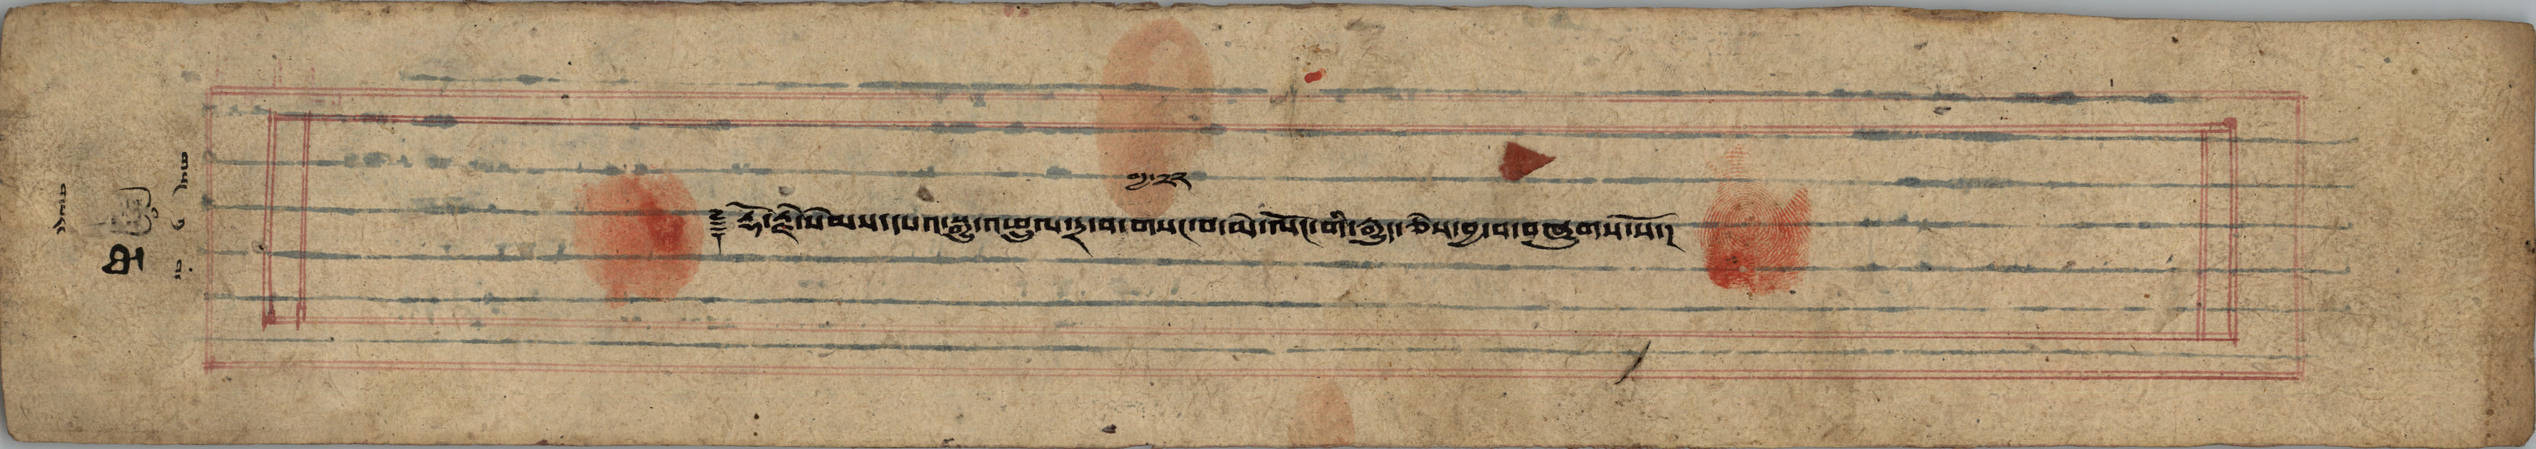࿑ རྡོ་རྗེ་སེམས་དཔའ་སྒྱུ་འཕྲུལ་དྲ་བ་གསང་བ་མེ་ལོང་གི་རྒྱུད་ཅེས་བྱ་བ་བཞུགས་སོ་།